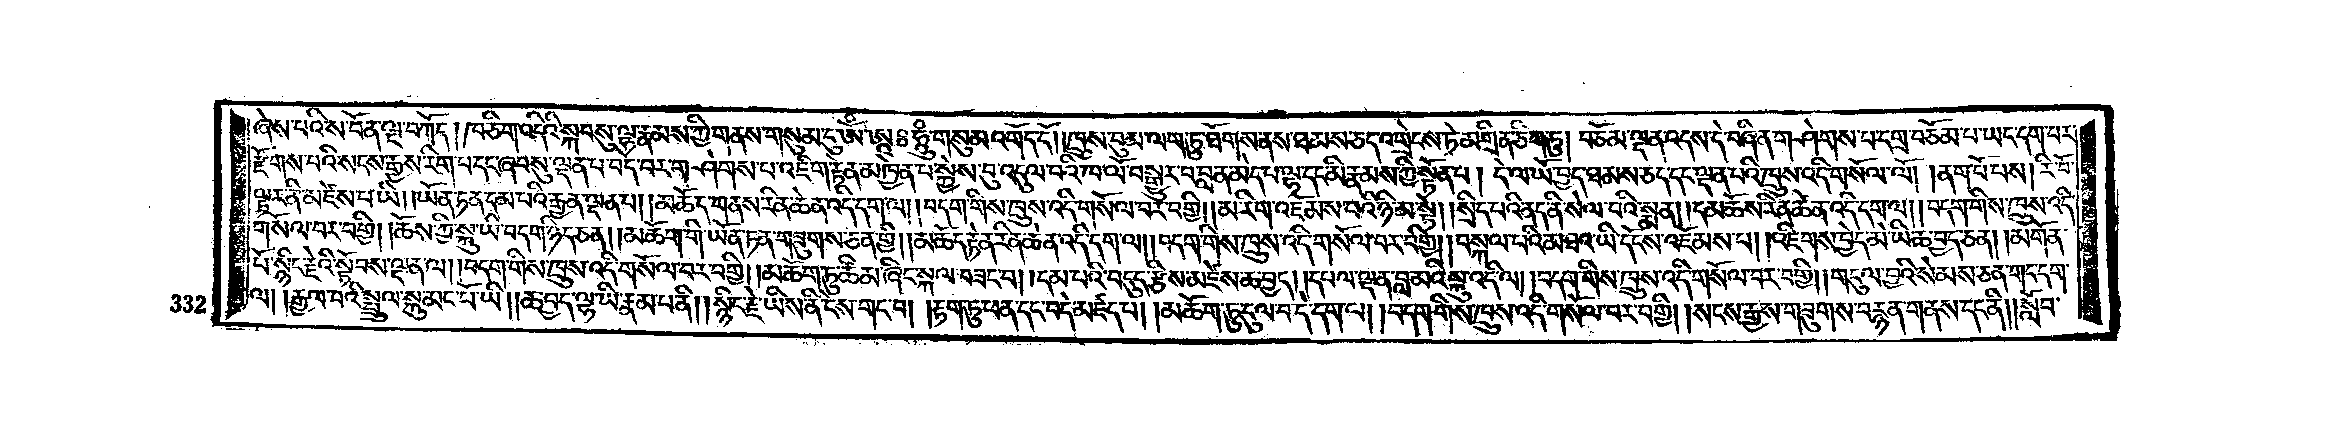ཞེས་པའི་ས་བོན་ལྔ་བཀོད། ཁ་ཅིག་འདིའི་སྐབས་སུ་ལྷ་རྣམས་ཀྱི་གནས་གསུམ་དུ་ཨོཾ་ཨཱཿ ཧཱུཾ་གསུམ་འགོད་དོ། །ཁྲུས་བུམ་ལག་ཏུ་ཐོགས་ནས་ཐམས་ཅད་འགྲེངས་ཏེ་མགྲིན་ཅིག་ཏུ། བཅོམ་ལྡན་འདས་དེ་བཞིན་གཤེགས་པ་དགྲ་བཅོམ་པ་ཡང་དག་པར་
རྫོགས་པའི་སངས་རྒྱས་རིག་པ་དང་ཞབས་སུ་ལྡན་པ་བདེ་བར་གཤེགས་པ་འཇིག་རྟེན་མཁྱེན་པ་སྐྱེས་བུ་འདུལ་བའི་ཁ་ལོ་བསྒྱུར་བ་བླ་ན་མེད་པ་ལྷ་དང་མི་རྣམས་ཀྱི་སྟོན་པ། དེ་ལ་ཡོ་བྱད་ཐམས་ཅད་དང་ལྡན་པའི་ཁྲུས་འདི་གསོལ་ལོ། །ནག་པོ་པས། རི་བོ་ལྟར་ནི་མཛེས་པ་ཡི། །ཡོན་ཏན་དམ་པའི་རྒྱན་ལྡན་པ། །མཆོད་གནས་རིན་ཆེན་འདི་དག་ལ། །བདག་གིས་ཁྲུས་འདི་གསོལ་བར་བགྱི། །མ་རིག་འཇོམས་པའི་ཉི་མ་སྟེ། །སྲིད་པའི་ནད་ནི་སེལ་བའི་སྨན། །དམ་ཆོས་རིན་ཆེན་འདི་དག་ལ། །བདག་གིས་ཁྲུས་འདི་
གསོལ་བར་བགྱི། །ཆོས་ཀྱི་སྐུ་ཡི་བདག་ཉིད་ཅན། །མཆོག་གི་ཡོན་ཏན་གཟུགས་ཅན་གྱི། །མཆོད་རྟེན་རིན་ཆེན་འདི་དག་ལ། །བདག་གིས་ཁྲུས་འདི་གསོལ་བར་བགྱི། །བསྐལ་པའི་མཐའ་ཡི་དངོས་འཇོམས་པ། །འཇིགས་བྱེད་མེ་ཡི་ཆ་བྱད་ཅན། །མགོན་
པོ་སྙིང་རྗེའི་སྟོབས་ལྡན་ལ། །བདག་གིས་ཁྲུས་འདི་གསོལ་བར་བགྱི། །མཆོག་ཏུ་ཚིམ་ཞིང་སྐལ་བཟང་བ། །དམ་པའི་བདུད་རྩིས་མཛེས་ཆ་བྱད། །དཔལ་ལྡན་བླ་མའི་སྐུ་འདི་ལ། །བདག་གིས་ཁྲུས་འདི་གསོལ་བར་བགྱི། །གདུལ་བྱའི་སེམས་ཅན་གང་དག་
ལ། །རྒྱལ་བའི་སྤྲུལ་སྐུ་མང་པོ་ཡི། །ཆ་བྱད་ལྷ་ཡི་རྣམ་པ་ནི། །སྙིང་རྗེ་ཡིས་ནི་ངེས་གང་བ། །རྟག་ཏུ་ཕན་དང་བདེ་མཛད་པ། །མཆོག་ཏུ་དུལ་བ་དེ་དག་ལ། །བདག་གིས་ཁྲུས་འདི་གསོལ་བར་བགྱི། །སངས་རྒྱས་གཟུགས་བརྙན་གནས་དང་ནི། །སློབ་